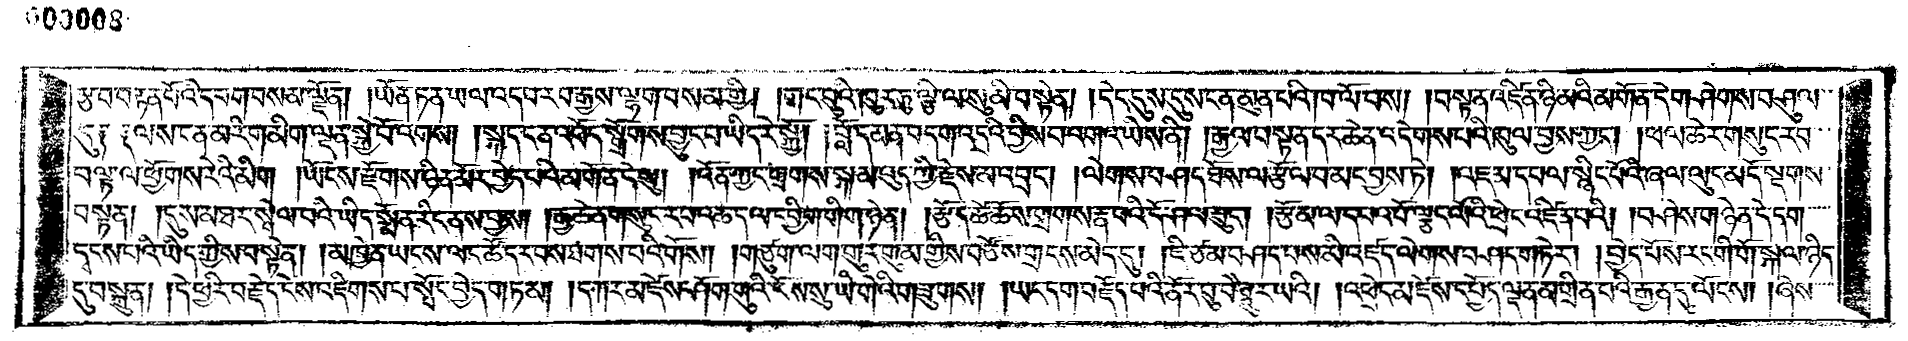རྩ་བ་བརྟན་པོའི་དབག་བསམ་ལྗོན། །ཡོན་ཏན་ཡལ་འདབ་རབ་རྒྱས་ལྷག་བསམ་གྱི། །གང་བུའི་ཁུར་ཏུ་ལྕིལ་སུ་མི་བསྟེན། །དེང་དུས་དུས་ངན་མུན་པའི་ཁ་ལོ་པས། །བསྟན་འཛིན་ཉི་མའི་མགོན་དེ་གཤེགས་བཤུལ་
དུ༑ ༑ལས་ངན་མ་རིག་མིག་ལྡན་སྐྱེ་བོ་འགས། །སྐད་ངན་འབོད་སྒྲོགས་བྱུང་བ་ཡིད་རེ་སྐྱོ། །བློ་དམན་བདག་འདྲའི་བྱིས་པ་འགའ་ཡིས་ནི། །རྒྱལ་བསྟན་དར་ཆེན་འདེགས་པའི་ཁུལ་བྱས་ཀྱང་། །ཕལ་ཆེར་གསུང་རབ་
བལྟ་ལ་ཕྱོགས་རེའི་མིག །ཡོངས་རྫོགས་ཉིན་མོར་བྱེད་པའི་མགོན་དེ་སུ། །འོན་ཀྱང་གྲགས་སྐམ་འུད་ཀྱི་རྗེས་མ་འབྲང་། །ལེགས་བཤད་ཐོས་ལ་རྩོལ་བ་མང་བྱས་ཏེ། །འཇམ་དཔལ་སྙིང་པོའི་ཞལ་ལུང་མདོ་སྔགས་
བསྟན། །དུས་མཐར་སྦེལ་བའི་ཡིད་སྨོན་རིང་ནས་བྱས། །རྒྱ་ཆེན་གསུང་རབ་འཆད་ལ་དབྱིག་གི་གཉེན། །རྩོད་ཚེ་ཆོས་གྲགས་རྣ་བའི་དོ་ཤལ་ཟུང་། །རྩོམ་ལ་དཔའ་བོ་ལྕང་ལོའི་ཕྲེང་འཛིན་པའི། །བཤེས་གཉེན་དེ་དག་
དྭངས་པའི་ཡིད་ཀྱིས་བསྟེན། །མཁྱེན་ཡངས་ལང་ཚོད་རབས་ཐགས་པའི་གོས། །གཙུག་ལག་གུར་གུམ་གྱིས་བཙོས་གྲངས་མེད་དུ། །ཇི་ཙམ་བཤད་པས་མི་བྫད་ལེགས་བཤད་གཏེར། །བྱེད་པོས་རང་གི་གོ་སྐལ་ཉིད་
དུ་བསྐྲུན། །དེ་ཕྱིར་བརྗེད་ངེས་འཇིགས་པ་སྤོང་བྱེད་གཏམ། །དཀར་མཛེས་ཤོག་གུའི་ངོས་སུ་ཡི་གེའི་གཟུགས། །ཡང་དག་བརྗོད་པའི་ནོར་བུ་བཻ་ཊཱུར་ཡའི། །འཕྲེང་མཛེས་དཔྱོད་ལྡན་མགྲིན་པའི་རྒྱན་དུ་ཡོངས། །ཞེས་